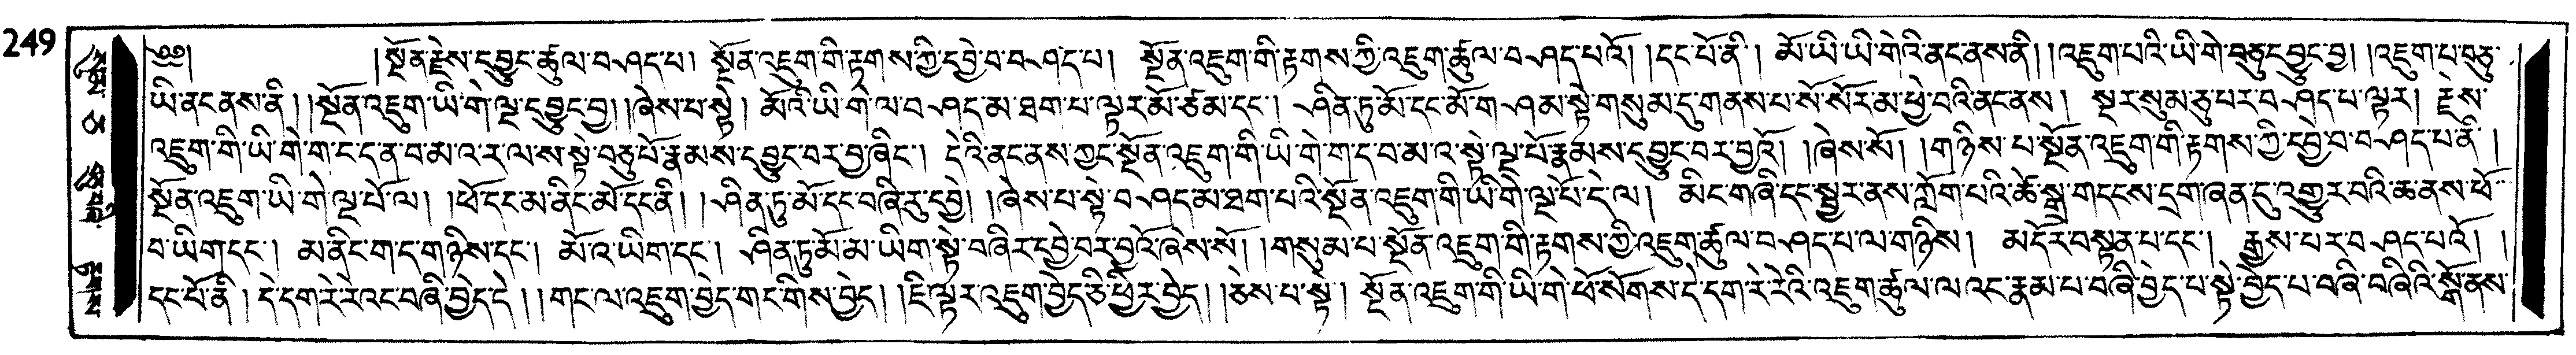༄༅། །སྔོན་རྗེས་དབྱུང་ཚུལ་བཤད་པ། སྔོན་འཇུག་གི་རྟགས་ཀྱི་དབྱེ་བ་བཤད་པ། སྔོན་འཇུག་གི་རྟགས་ཀྱི་འཇུག་ཚུལ་བཤད་པའོ། །དང་པོ་ནི། མོ་ཡི་ཡི་གེའི་ནང་ནས་ནི། །འཇུག་པའི་ཡི་གེ་བཅུ་ང་བྱུང་བྱ། །འཇུག་པ་བཅུ་
ཡི་ནང་ནས་ནི། །སྔོན་འཇུག་ཡི་གེ་ལྔ་དབྱུང་བྱ། །ཞེས་པ་སྟེ། མོའི་ཡི་གེ་ལ་བཤད་མ་ཐག་པ་ལྟར་མོ་ཙམ་དང་། ཤིན་ཏུ་མོ་དང་མོ་གཤམ་སྟེ་གསུམ་དུ་གནས་པ་སོ་སོར་མ་ཕྱེ་བའི་ནང་ནས། སྔར་སུམ་ཅུ་པར་བཤད་པ་ལྟར། རྗེས་
འཇུག་གི་ཡི་གེ་ག་ང་ད་ན་བ་མ་འ་ར་ལ་ས་སྟེ་བཅུ་པོ་རྣམས་དབྱུང་བར་བྱ་ཞིང་། དེའི་ནང་ནས་ཀྱང་སྔོན་འཇུག་གི་ཡི་གེ་ག་ད་བ་མ་འ་སྟེ་ལྔ་པོ་རྣམས་དབྱུང་བར་བྱའོ། །ཞེས་སོ། །གཉིས་པ་སྔོན་འཇུག་གི་རྟགས་ཀྱི་དབྱེ་བ་བཤད་པ་ནི།
སྔོན་འཇུག་ཡི་གེ་ལྔ་པོ་ལ། །ཕོ་དང་མ་ནིང་མོ་དང་ནི། །ཤིན་ཏུ་མོ་དང་བཞི་རུ་དབྱེ། །ཞེས་པ་སྟེ་བཤད་མ་ཐག་པའི་སྔོན་འཇུག་གི་ཡི་གེ་ལྔ་པོ་དེ་ལ། མིང་གཞི་དང་སྦྱར་ནས་ཀློག་པའི་ཚེ་སྒྲ་གདངས་དྲག་ཞན་དུ་འགྱུར་བའི་ཆ་ནས་ཕོ་
བ་ཡིག་དང་། མ་ནིང་ག་ད་གཉིས་དང་། མོ་འ་ཡིག་དང་། ཤིན་ཏུ་མོ་མ་ཡིག་སྟེ་བཞིར་དབྱེ་བར་བྱའོ་ཞེས་སོ། །གསུམ་པ་སྔོན་འཇུག་གི་རྟགས་ཀྱི་འཇུག་ཚུལ་བཤད་པ་ལ་གཉིས། མདོར་བསྟན་པ་དང་། རྒྱས་པར་བཤད་པའོ། །
དང་པོ་ནི། དེ་དག་རེ་རེའང་བཞི་བྱེད་དེ། །གང་ལ་འཇུག་བྱེད་གང་གིས་བྱེད། །ཇི་ལྟར་འཇུག་བྱེད་ཅི་ཕྱིར་བྱེད། །ཅེས་པ་སྟེ། སྔོན་འཇུག་གི་ཡི་གེ་ཕོ་སོགས་དེ་དག་རེ་རེའི་འཇུག་ཚུལ་ལའང་རྣམ་པ་བཞི་བྱེད་པ་སྟེ་བྱེད་པ་བཞི་བཞིའི་སྒོ་ནས་